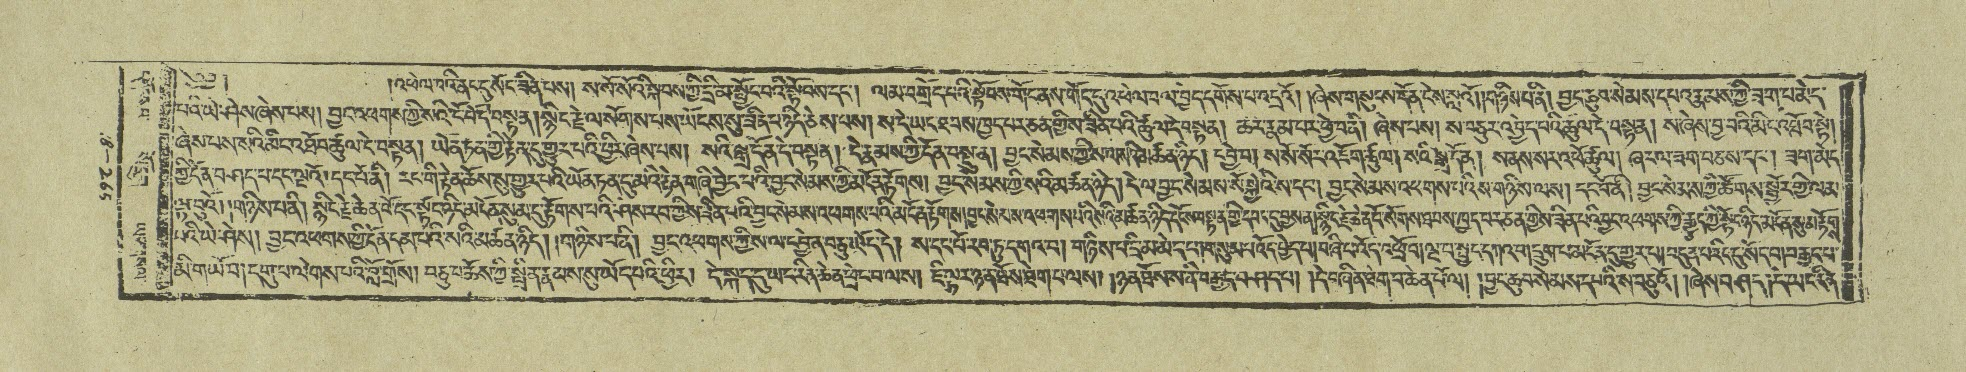༄༅། །འཕེལ་བའི་ནང་དུ་སོང་ཟིན་པས། ས་སོ་སོའི་སྐྱབས་ཀྱི་དྲི་མ་སྦྱོང་བའི་སྟོབས་དང་། ལམ་བགྲོད་བའི་སྟོབས་གོང་ནས་གོང་དུ་འཕེལ་བ་ལ་བྱེད་དགོས་པ་འདྲའོ། །ཞེས་གསུངས་དོན་ངེས་སླའོ། །གཉིས་པ་ནི། བྱང་ཆུབ་སེམས་དཔའ་རྣམས་ཀྱི་ཟག་པ་མེད་
པའི་ཡེ་ཤེས་ཞེས་པས། བྱང་འཕགས་ཀྱི་སའི་ངོ་བོ་དེ་བསྟན། སྙིང་རྗེ་ལ་སོགས་པས་ཡོངས་སུ་ཟིན་པ་ཉིད་ཅེས་པས། ས་དེ་ཡང་ཐབས་ཁྱད་པར་ཅན་གྱིས་ཟིན་པའི་ཚུལ་དེ་བསྟན། ཆར་རྣམ་པར་ཕྱེ་བ་ནི། ཞེས་པས། ས་བཅུར་འབྱེད་པའི་ཚུལ་དེ་བསྟན། ས་ཞེས་བྱ་བའི་མིང་འཐོབ་སྟེ།
ཞེས་པས་སའི་མིང་འཐོབ་ཚུལ་དེ་བསྟན། ཡོན་ཏན་གྱི་རྟེན་དུ་གྱུར་པའི་ཕྱིར་ཞེས་པས། སའི་སྒྲ་དོན་དེ་བསྟན། དེ་རྣམས་ཀྱི་དོན་བསྡུ་ན། བྱང་སེམས་ཀྱི་སའི་མཚན་ཉིད། དབྱེ་བ། ས་སོ་སོར་འཇོག་ཚུལ། སའི་སྒྲ་དོན། ས་ནས་སར་འཕོ་ཚུལ། ཞར་ལ་ཟག་བཅས་དང་། ཟག་མེད་
ཀྱི་དོན་བཤད་པ་དང་ལྔའོ། དང་པོ་ནི། རང་གི་རྟེན་ཆོས་སུ་གྱུར་པའི་ཡོན་ཏན་དུ་མའི་རྟེན་གཞི་བྱེད་པའི་བྱང་སེམས་ཀྱི་མངོན་རྟོགས། བྱང་སེམས་ཀྱི་སའི་མཚན་ཉིད། དེ་ལ་བྱང་སེམས་སོ་སྐྱེའི་ས་དང་། བྱང་སེམས་འཕགས་པའི་ས་གཉིས་ལས། དང་པོ་ནི། བྱང་སེམས་ཀྱི་ཚོགས་སྦྱོར་གྱི་ལམ་
ལྟ་བུའོ། །གཉིས་པ་ནི། སྙིང་རྗེ་ཆེན་པོ་དང་སྟོང་ཉིད་མངོན་སུམ་དུ་རྟོགས་པའི་ཤེས་རབ་ཀྱིས་ཟིན་པའི་བྱང་སེམས་འཕགས་པའི་མངོན་རྟོགས་བྱང་སེམས་འཕགས་པའི་སའི་མཚན་ཉིད་དངོས་བསྟན་གྱི་དབང་དུ་བྱས་ན། སྙིང་རྗེ་ཆེན་པོ་སོགས་ཐབས་ཁྱད་པར་ཅན་གྱིས་ཟིན་པའི་བྱང་འཕགས་ཀྱི་རྒྱུད་ཀྱི་སྟོང་ཉིད་མངོན་སུམ་རྟོགས་
པའི་ཡེ་ཤེས། བྱང་འཕགས་ཀྱི་དོན་དམ་པའི་སའི་མཚན་ཉིད། གཉིས་པ་ནི། བྱང་འཕགས་ཀྱི་ས་ལ་དབྱེ་ན་བཅུ་ཡོད་དེ། ས་དང་པོ་རབ་ཏུ་དགའ་བ། གཉིས་པ་དྲི་མ་མེད་པ། གསུམ་པ་འོད་བྱེད་པ། བཞི་པ་འོད་འཕྲོ་བ། ལྔ་པ་སྤྱད་དཀའ་བ། དྲུག་པ་མངོན་དུ་གྱུར་པ། བདུན་པ་རིང་དུ་སོད་བ། བརྒྱད་པ་
མི་གཡོ་བ། དགུ་པ་ལེགས་པའི་བློ་གྲོས། བཅུ་པ་ཆོས་ཀྱི་སྤྲིན་རྣམས་སུ་ཡོད་པའི་ཕྱིར། དེ་སྐད་དུ་ཡང་རིན་ཆེན་ཕྲེང་བ་ལས། ཇི་ལྟར་ཉན་ཐོས་ཐེག་པ་ལས། །ཉན་ཐོས་ས་ནི་བརྒྱད་བཤད་པ། །དེ་བཞིན་ཐེག་པ་ཆེན་པོ་ལ། །བྱང་ཆུབ་སེམས་དཔའི་ས་བཅུའོ། །ཞེས་བཤད། དེ་ཡང་རིན་